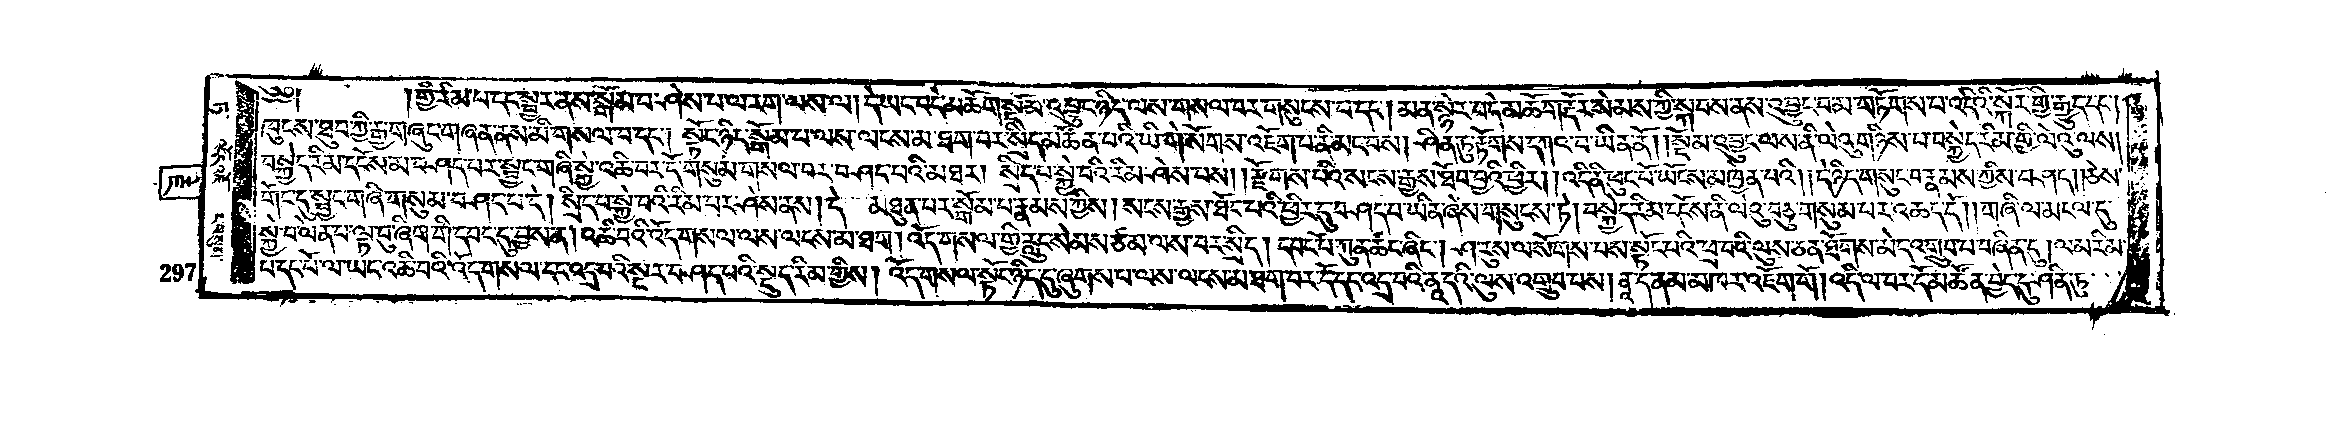༄༅། །གྱི་རིམ་པ་དང་སྦྱར་ནས་སྒོམ་པ་ཤེས་པ་ལ་རག་ལས་ལ། དེ་ཡང་བདེ་མཆོག་སྡོམ་འབྱུང་ཉིད་ལས་གསལ་བར་གསུངས་པ་དང་། མན་སྙེར་བདེ་མཆོག་རྡོར་སེམས་ཀྱི་སྐབས་ནས་འབྱུང་བ་མ་གཏོགས་པ་འདིའི་སྐོར་གྱི་རྒྱུད་དང་།
ཁུངས་ཐུབ་ཀྱི་རྒྱ་གཞུང་གཞན་ནས་མི་གསལ་བ་དང་། སྟོང་ཉིད་སྒོམ་པ་ལས་ལངས་མ་ཐག་བར་སྲིད་མཚོན་པའི་ཡི་གེ་སོགས་འཇོག་པ་ནི་མང་བས། ཤིན་ཏུ་རྟོགས་དཀའ་བ་ཡིན་ནོ། །སྡོམ་འབྱུང་ལས་ནི་ལེའུ་གཉིས་པ་བསྐྱེད་རིམ་གྱི་ལེའུ་ལས།
བསྐྱེད་རིམ་དངོས་མ་བཤད་པར་སྦྱང་གཞི་སྐྱེ་འཆི་བར་དོ་གསུམ་གསལ་བར་བཤད་པའི་མཐར། སྲིད་པ་སྐྱེ་བའི་རིམ་ཤེས་པས། །རྫོགས་པའི་སངས་རྒྱས་ཐོབ་བྱའི་ཕྱིར། །འདི་ནི་ཕུང་པོ་ཡོངས་མཁྱེན་པའི། །དེ་ཉིད་གསུང་བ་རྣམས་ཀྱིས་བཤད། །ཅས་
གོང་དུ་སྦྱང་གཞི་གསུམ་བཤད་པ་དེ། སྲིད་པ་སྐྱེ་བའི་རིམ་པར་ཤེས་ནས། དེ་དང་མཐུན་པར་སྒོམ་པ་རྣམས་ཀྱིས། སངས་རྒྱས་ཐོང་པའི་ཕྱིར་དུ་བཤད་པ་ཡིན་ཞེས་གསུངས་ཏེ། བསྐྱེད་རིམ་དངོས་ནི་ལེའུ་བཅུ་གསུམ་པར་འཆད་དོ། །གཞི་ལ་མངལ་དུ་
སྐྱེ་བ་ལེན་པ་ལྟ་བུ་ཞིག་གི་དབང་དུ་བྱས་ན། འཆི་བའི་འོད་གསལ་ལས་ལངས་མ་ཐག །འོད་གསལ་གྱི་རླུང་སེམས་ཙམ་ལས་བར་སྲིད། དབང་པོ་ཀུན་ཚང་ཞིང་། ཤ་རུས་ལ་སོགས་པས་སྟོང་པའི་ཕྲ་བའི་ལུས་ཅན་ཐོགས་མེད་འགྲུབ་པ་བཞིན་དུ། ལམ་རིམ་
པ་དང་པོ་ལ་ཡང་འཆི་བའི་འོད་གསལ་དང་འདྲ་བའི་སྔར་བཤད་པའི་སྡུད་རིམ་གྱིས། འོད་གསལ་སྟོང་ཉིད་དུ་ཞུགས་པ་ལས་ལངས་མ་ཐག་བར་དོ་དང་འདྲ་བའི་ནཱ་དའི་ལུས་འགྲུབ་པས། ནཱ་ད་ནམ་མཁར་འཇོག་གོ། འདི་ལ་བར་དོ་མཚོན་བྱེད་དུ་ཤིན་ཏུ་